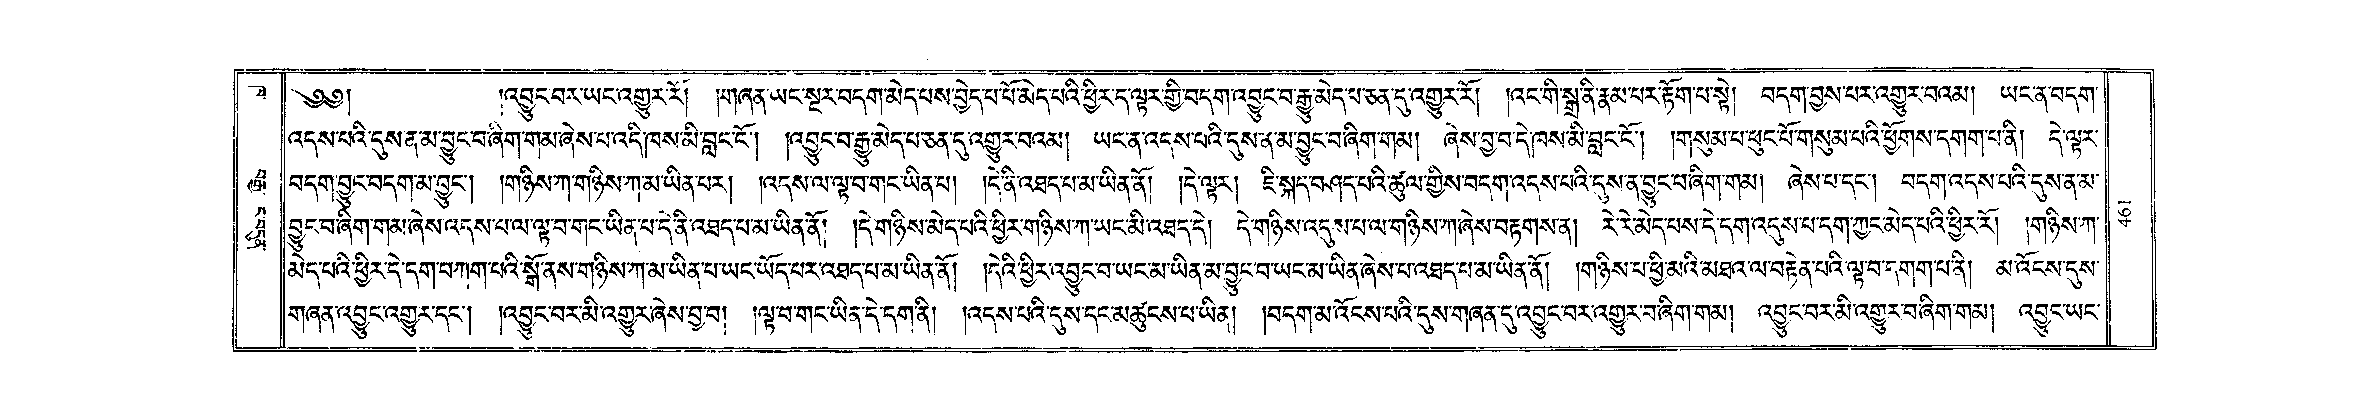༄༅། །འབྱུང་བར་ཡང་འགྱུར་རོ། །གཞན་ཡང་སྔར་བདག་མེད་པས་བྱེད་པ་པོ་མེད་པའི་ཕྱིར་ད་ལྟར་གྱི་བདག་འབྱུང་བ་རྒྱུ་མེད་པ་ཅན་དུ་འགྱུར་རོ། །འང་གི་སྒྲ་ནི་རྣམ་པར་རྟོག་པ་སྟེ། བདག་བྱས་པར་འགྱུར་བའམ། ཡང་ན་བདག་
འདས་པའི་དུས་ན་མ་བྱུང་བ་ཞིག་གམ་ཞེས་པ་འདི་ཁས་མི་བླང་ངོ། །འབྱུང་བ་རྒྱུ་མེད་པ་ཅན་དུ་འགྱུར་བའམ། ཡང་ན་འདས་པའི་དུས་ན་མ་བྱུང་བ་ཞིག་གམ། ཞེས་བྱ་བ་དེ་ཁས་མི་བླང་ངོ། །གསུམ་པ་ཕུང་པོ་གསུམ་པའི་ཕྱོགས་དགག་པ་ནི། དེ་ལྟར་
བདག་བྱུང་བདག་མ་བྱུང་། །གཉིས་ཀ་གཉིས་ཀ་མ་ཡིན་པར། །འདས་ལ་ལྟ་བ་གང་ཡིན་པ། །དེ་ནི་འཐད་པ་མ་ཡིན་ནོ། །དེ་ལྟར། ཇི་སྐད་བཤད་པའི་ཚུལ་གྱིས་བདག་འདས་པའི་དུས་ན་བྱུང་བ་ཞིག་གམ། ཞེས་པ་དང་། བདག་འདས་པའི་དུས་ན་མ་
བྱུང་བ་ཞིག་གམ་ཞེས་འདས་པ་ལ་ལྟ་བ་གང་ཡིན་པ་དེ་ནི་འཐད་པ་མ་ཡིན་ནོ། །དེ་གཉིས་མེད་པའི་ཕྱིར་གཉིས་ཀ་ཡང་མི་འཐད་དེ། དེ་གཉིས་འདུས་པ་ལ་གཉིས་ཀ་ཞེས་བརྟགས་ན། རེ་རེ་མེད་པས་དེ་དག་འདུས་པ་དག་ཀྱང་མེད་པའི་ཕྱིར་རོ། །གཉིས་ཀ་
མེད་པའི་ཕྱིར་དེ་དག་བཀག་པའི་སྒོ་ནས་གཉིས་ཀ་མ་ཡིན་པ་ཡང་ཡོད་པར་འཐད་པ་མ་ཡིན་ནོ། །དེའི་ཕྱིར་འབྱུང་བ་ཡང་མ་ཡིན་མ་བྱུང་བ་ཡང་མ་ཡིན་ཞེས་པ་འཐད་པ་མ་ཡིན་ནོ། །གཉིས་པ་ཕྱི་མའི་མཐའ་ལ་བརྟེན་པའི་ལྟ་བ་དགག་པ་ནི། མ་འོངས་དུས་
གཞན་འབྱུང་འགྱུར་དང་། །འབྱུང་བར་མི་འགྱུར་ཞེས་བྱ་བ། །ལྟ་བ་གང་ཡིན་དེ་དག་ནི། །འདས་པའི་དུས་དང་མཚུངས་པ་ཡིན། །བདག་མ་འོངས་པའི་དུས་གཞན་དུ་འབྱུང་བར་འགྱུར་བ་ཞིག་གམ། འབྱུང་བར་མི་འགྱུར་བ་ཞིག་གམ། འབྱུང་ཡང་